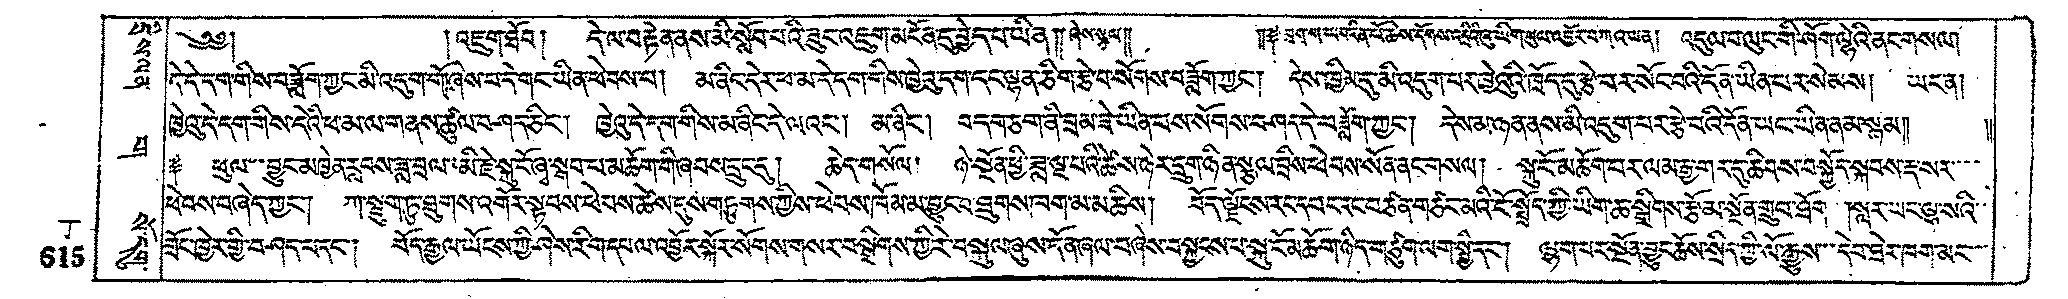༄༅། །འཇུག་ཐོབ། དེ་ལ་བརྟེན་ནས་མི་སློབ་པའི་ཟུང་འཇུག་མངོན་དུ་བྱེད་པ་ཡིན།། ཞེས་སྩལ།། །། འ་བྲག་གཡབ་རིན་པོ་ཆེས་དོགས་འདྲིའི་ཞུ་ཡིག་ཕུལ་འབྱོར་བཀའ་ལན།  འདུལ་བ་ལུང་གི་ཤོག་ལྷེའི་ནང་གསལ།
དེ་དེ་དག་གིས་བཟློག་ཀྱང་མི་འདུག་གོ། ཞེས་པ་དེ་གང་ཡིན་ཕེབས་པ། མ་ནིང་དེར་ཕ་མ་དེ་དག་གིས་ཁྱེའུ་དག་དང་ལྷན་ཅིག་རྩེ་བ་སོགས་བཟློག་ཀྱང་། དེས་ཁྱིམ་དུ་མི་འདུག་པར་ཁྱེའུའི་ཁྲོད་དུ་རྩེ་བར་སོང་བའི་དོན་ཡིན་པར་སེམས། ཡང་ན།
ཁྱེའུ་དེ་དག་གིས་དེའི་ཕ་མ་ལ་གནས་ཚུལ་བཤད་ཅིང་། ཁྱེའུ་དེ་དག་གིས་མ་ནིང་དེ་ལའང་། མ་ནིང་། བདག་ཅག་ནི་བྲམ་ཟེ་ཡིན་པས་སོགས་བཤད་དེ་བཟློག་ཀྱང་། དེས་མ་ཉན་ནས་མི་འདུག་པར་རྩེ་བའི་དོན་ཡང་ཡིན་ནམ་སྙམ།། །།
འ་ཕུལ་་་བྱུང་མཁྱེན་རླབས་ཟླ་བྲལ་༧མི་རྗེ་སྐུ་ངོ་ཞྭ་སྒབ་པ་མཆོག་གི་ཞབས་དྲུང་དུ། ཆེད་གསོལ། ཉེ་སྔོན་ཕྱི་ཟླ་ལྔ་པའི་ཚེས་ཉེར་དྲུག་ཉིན་སྩལ་བྲིས་ཕེབས་སོན་ནང་གསལ། སྐུ་ངོ་མཆོག་བར་ལམ་རྒྱ་གར་དུ་ཆིབས་བསྐྱོད་སྐབས་རྡ་སར་་་
ཕེབས་བཞེད་ཀྱང་། ཀ་སྦུག་ཏུ་ཐུགས་འགོར་སྟབས་ཕེབས་ཚེས་དུས་གཏུགས་ཀྱིས་ཕེབས་ཁོམ་མ་བྱུང་བ་ཐུགས་ཁག་མ་མཆིས། བོད་ལྗོངས་རང་དབང་རང་བཙན་གཙང་མའི་ངོ་སྤྲོད་ཀྱི་ཡིག་ཆ་སྒྲིགས་རྩོམ་སྔོན་གྲུབ་ཐོག །སླར་ཡང་ལྷ་སའི་་་
གྲོང་ཁྱེར་གྱི་བཤད་པ་དང་། བོད་རྒྱལ་ཡོངས་ཀྱི་ཤེས་རིག་དཔལ་འབྱོར་སྐོར་སོགས་གསར་བསྒྲིགས་ཀྱི་རེ་བསྐུལ་ཞུས་དོན་ཞལ་བཞེས་བསྐྱངས་པ་སྐུ་ངོ་མཆོག་ཉིད་གཙུག་ལག་སྤྱི་དང་། ལྷག་པར་སྔོན་བྱུང་ཆོས་སྲིད་ཀྱི་ལོ་རྒྱུས་་་དེབ་ཐེར་ཁག་མང་་་